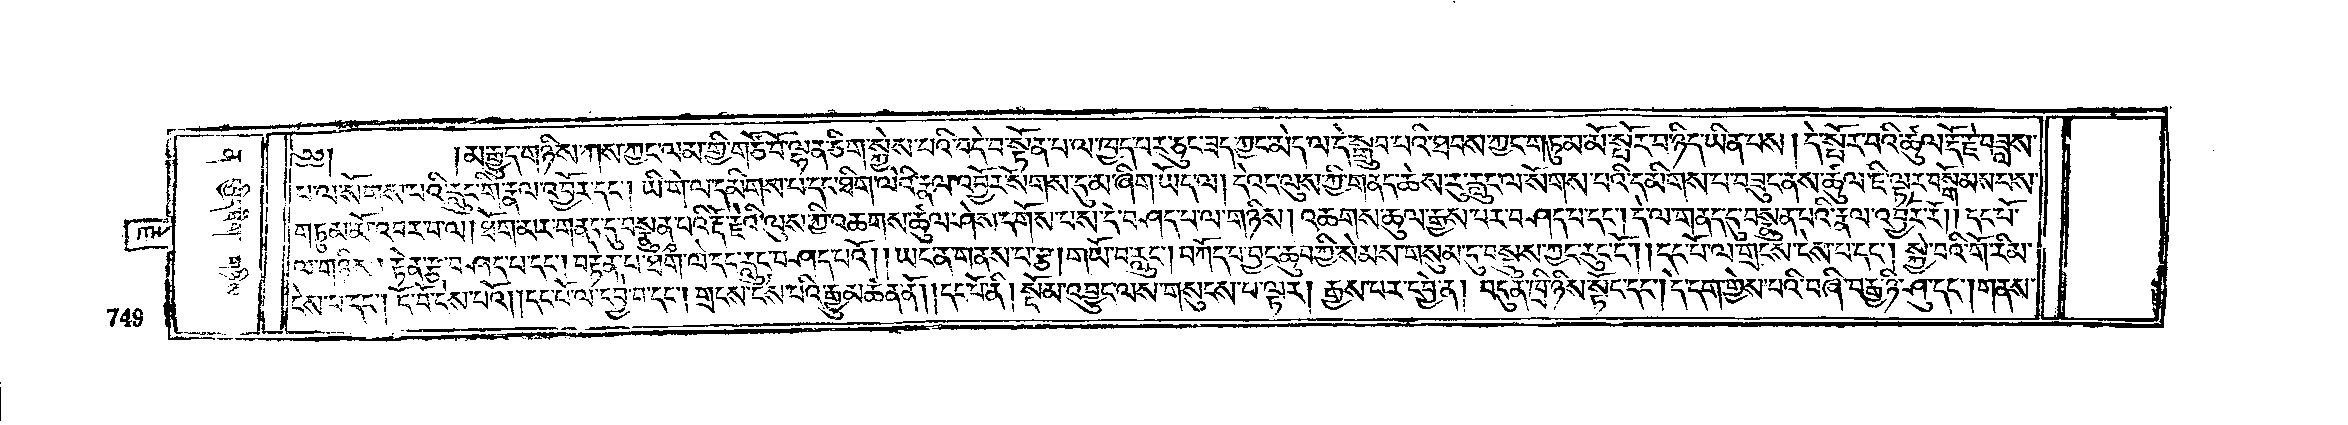༄༅། །མ་རྒྱུད་གཉིས་ཀས་ཀྱང་ལམ་གྱི་གཙོ་བོ་ལྷན་ཅིག་སྐྱེས་པའི་བདེ་བ་སྟོན་པ་ལ་ཁྱད་པར་ཅུང་ཟད་ཀྱང་མེད་ལ་དེ་སྒྲུབ་པའི་ཐབས་ཀྱང་གཏུམ་མོ་སྤོར་བ་ཉིད་ཡིན་པས། དེ་སྤོར་བའི་ཚུལ་རྡོ་རྗེ་བཟླས་
པ་ལ་སོགས་པའི་རླུང་གི་རྣལ་འབྱོར་དང་། ཡི་གེ་ལ་དམིགས་པ་དང་ཐིག་ལེའི་རྣལ་འབྱོར་སོགས་དུ་མ་ཞིག་ཡོད་ལ། དེའང་ལུས་ཀྱི་གནད་ཆེས་རུ་རླུང་ལ་སོགས་པའི་དམིགས་པ་བཟུང་ནས་ཚུལ་ཇི་ལྟར་བསྒོམས་པས་
གཏུམ་མོ་འབར་བ་ལ། ཐོག་མར་གནད་དུ་བསྣུན་པའི་རྡོ་རྗེའི་ལུས་ཀྱི་འཆགས་ཚུལ་ཤེས་དགོས་པས་དེ་བཤད་པ་ལ་གཉིས། འཆགས་ཚུལ་རྒྱས་པར་བཤད་པ་དང་། དེ་ལ་གནད་དུ་བསྣུན་པའི་རྣལ་འབྱོར་རོ། །དང་པོ་
ལ་གཉིས། རྟེན་རྩ་བཤད་པ་དང་། བརྟེན་པ་ཐིག་ལེ་དང་རླུང་བཤད་པའོ། །ཡང་ན་གནས་པ་རྩ། གཡོ་བ་རླུང་། བཀོད་པ་བྱང་ཆུབ་ཀྱི་སེམས་གསུམ་དུ་བསྡུས་ཀྱང་རུང་ངོ། །དང་པོ་ལ་གྲངས་ངེས་པ་དང་། སྐྱེ་བའི་གོ་རིམ་
ངེས་པ་དང་། ངོ་བོ་ངེས་པའོ། །དང་པོ་ལ་དབྱེ་བ་དང་། གྲངས་ངེས་པའི་རྒྱུ་མཚན་ནོ། །དང་པོ་ནི། སྡོམ་འབྱུང་ལས་གསུངས་པ་ལྟར། རྒྱས་པར་དབྱེ་ན། བདུན་ཁྲི་ཉིས་སྟོང་དང་། དེ་དག་གྱེས་པའི་བཞི་བརྒྱ་ཉི་ཤུ་དང་། གནས་